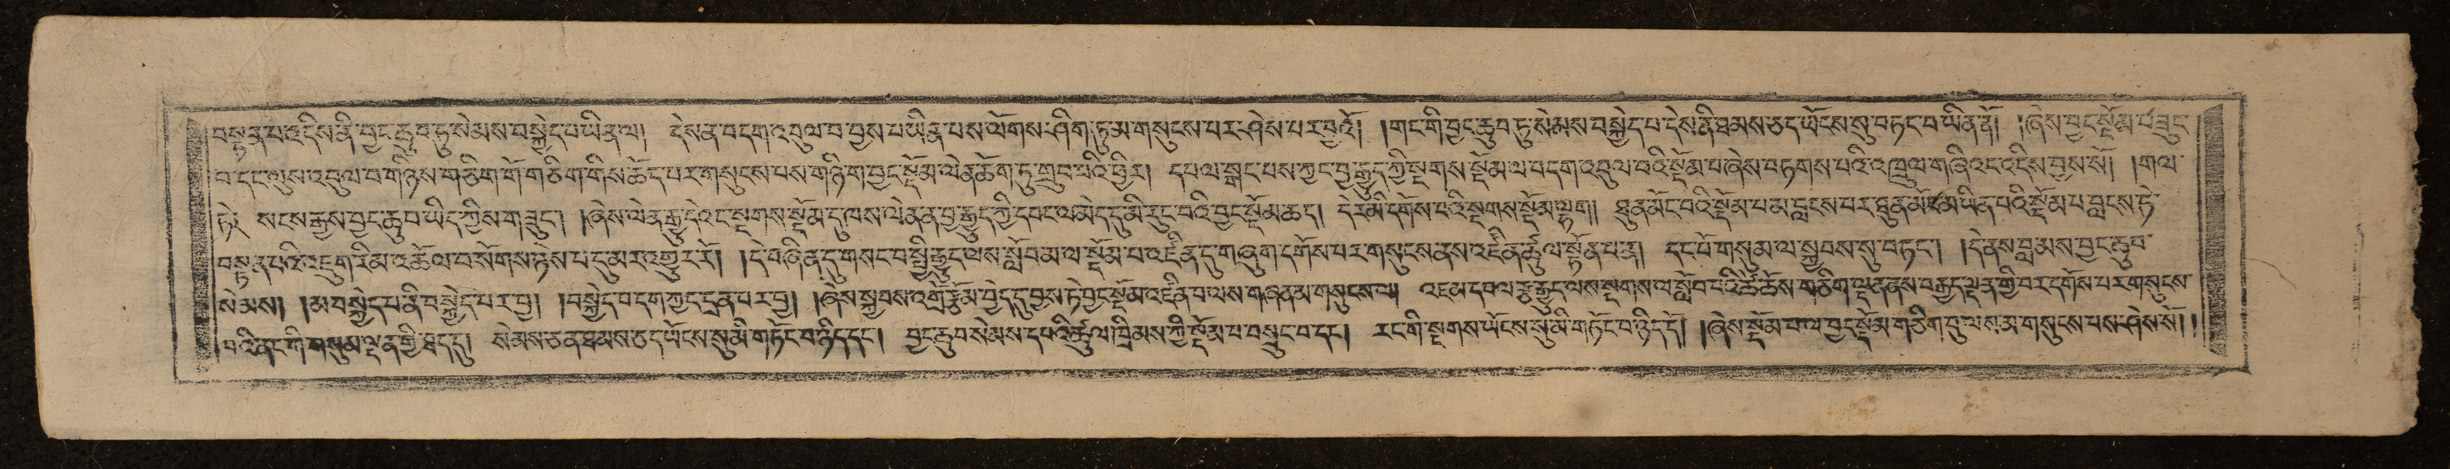བསྟན་པ་འདིས་ནི་བྱང་ཆུབ་ཏུ་སེམས་བསྐྱེད་པ་ཡིན་ལ། དེས་ན་བདག་འབུལ་བ་བྱས་པ་ཡིན་པས་ལོགས་ཤིག་ཏུ་མ་གསུངས་པར་ཤེས་པར་བྱའོ། །གང་གི་བྱང་ཆུབ་ཏུ་སེམས་བསྐྱེད་པ་དེས་ནི་ཐམས་ཅད་ཡོངས་སུ་བཏང་བ་ཡིན་ནོ། །ཞེས་བྱང་སྡོམ་བཟུང་
བ་དང་ལུས་འབུལ་བ་གཉིས་གཅིག་གོ་གཅིག་གིས་ཆོད་པར་གསུངས་པས་གཉི་ག་བྱང་སྡོམ་ལེན་ཆོག་ཏུ་གྲུབ་པའི་ཕྱིར། དཔལ་སྒང་བས་ཀྱང་བྱ་རྒྱུད་ཀྱི་སྔགས་སྡོམ་ལ་བདག་འབུལ་བའི་སྡོམ་པ་ཞེས་བཏགས་བའི་འཁྲུལ་གཞིའང་འདིས་བྱས་སོ། །གལ་
ཏེ༑ སངས་རྒྱས་བྱང་ཆུབ་ཡིད་ཀྱིས་གཟུང་། །ཞེས་ལན་རྒྱུ་དེའང་སྔགས་སྡོམ་དུ་ཁས་ལེན་ན་བྱ་རྒྱུད་ཀྱི་དབང་ལ་མེད་དུ་མི་རུང་བའི་བྱང་སྡོམ་ཆད། དེར་མི་དགོས་པའི་སྔགས་སྡོམ་ལྷག། ཐུན་མོང་བའི་སྡོམ་པ་མ་བླངས་བར་ཐུན་མོང་མ་ཡིན་པའི་སྡོམ་བ་བླངས་ཏེ་
བསྟན་པའི་འཇུག་རིམ་འཆོལ་བ་སོགས་ཉེས་པ་དུ་མར་འགྱུར་རོ། །དེ་བཞིན་དུ་གསང་བ་སྤྱི་རྒྱུད་ལས་སློབ་མ་ལ་སྡོམ་པ་འཛིན་དུ་གཞུག་དགོས་པར་གསུངས་ནས་འཛིན་ཚུལ་སྟོན་པ་ན། དང་པོ་གསུམ་ལ་སྐྱབས་སུ་བཏང་། །དེ་ནས་བླ་མས་བྱང་ཆུབ་
སེམས། །མ་བསྐྱེད་པ་ནི་བསྐྱེད་པར་བྱ། །བསྐྱེད་པ་དག་ཀྱང་དྲན་པར་བྱ། །ཞེས་སྐྱབས་འགྲོ་རྩོམ་བྱེད་དུ་བྱས་ཏེ་བྱང་སྡོམ་འཛིན་པ་ལས་གཞན་མ་གསུངས་ལ། འཇམ་དཔལ་རྩ་རྒྱུད་ལས་སྔགས་ལ་སློབ་པའི་ཚེ་ཆོས་གཅིག་ལྡན་ནས་བརྒྱད་ལྡན་གྱི་བར་དགོས་པར་གསུངས་
པའི་ནང་གི་གསུམ་ལྡན་གྱི་ཐད་དུ། སེམས་ཅན་ཐམས་ཅད་ཡོངས་སུ་མི་གཏོང་པ་ཉིད་དང་། བྱང་ཆུབ་སེམས་དཔའི་ཚུལ་ཁྲིམས་ཀྱི་སྡོམ་པ་བསྲུང་བ་དང་། རང་གི་སྔགས་ཡོངས་སུ་མི་གཏོང་བ་ཉིད་དོ། །ཞེས་སྡོམ་པ་ལ་བྱང་སྡོམ་གཅིག་པུ་ལས་མ་གསུངས་པས་ཤེས་སོ། །